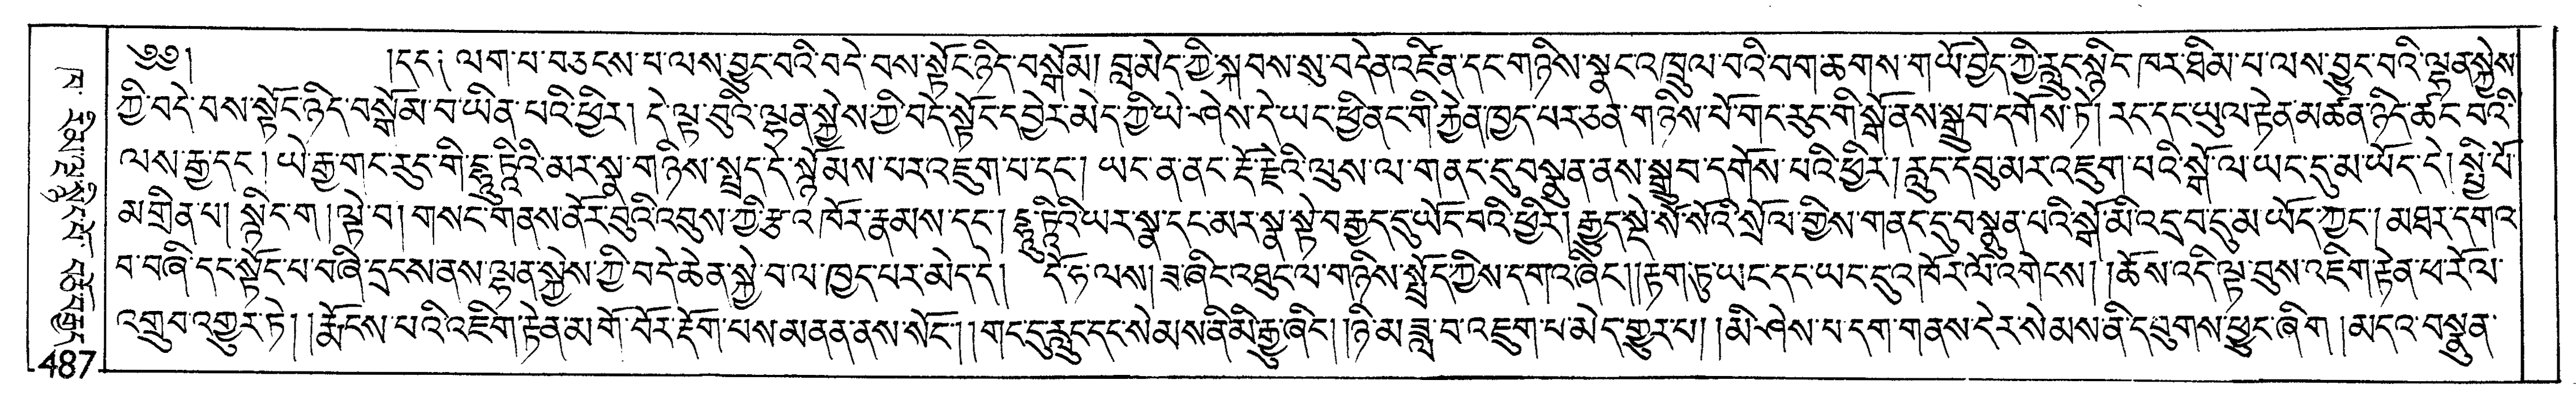༄༅། །དང༑ ལག་པ་བཅངས་པ་ལས་བྱུང་བའི་བདེ་བས་སྟོང་ཉིད་བསྒོམ། བླ་མེད་ཀྱི་སྐབས་སུ་བདེན་འཛིན་དང་གཉིས་སྣང་འཁྲུལ་བའི་བག་ཆགས་གཡོ་བྱེད་ཀྱི་རླུང་སྙིང་ཁར་ཐིམ་པ་ལས་བྱུང་བའི་ལྷན་སྐྱེས་
ཀྱི་བདེ་བས་སྟོང་ཉིད་བསྒོམ་པ་ཡིན་པའི་ཕྱིར། དེ་ལྟ་བུའི་ལྷན་སྐྱེས་ཀྱི་བདེ་སྟོང་དབྱེར་མེད་ཀྱི་ཡེ་ཤེས་དེ་ཡང་ཕྱི་ནང་གི་རྐྱེན་ཁྱད་པར་ཅན་གཉིས་པོ་གང་རུང་གི་སྒོ་ནས་སྒྲུབ་དགོས་ཏེ། རང་དང་ཡུལ་རྟེན་མཚན་ཉིད་ཚང་བའི་
ལས་རྒྱ་དང་། ཡེ་རྒྱ་གང་རུང་གི་དྷཱུ་ཏཱིའི་མར་སྣ་གཉིས་སྤྲད་དེ་སྙོམས་པར་འཇུག་པ་དང་། ཡང་ན་ནང་རྡོ་རྗེའི་ལུས་ལ་གནང་དུ་བསྣུན་ནས་སྒྲུབ་དགོས་པའི་ཕྱིར། རླུང་དབུ་མར་འཇུག་པའི་སྒོ་ལ་ཡང་དུ་མ་ཡོད་དེ། སྤྱི་བོ་
མགྲིན་པ། སྙིང་ག །ལྟེ་བ། གསང་གནས་ནོར་བུའི་འབུས་ཀྱི་རྩ་འཁོར་རྣམས་དང་། དྷཱུ་ཏཱིའི་ཡར་སྣ་དང་མར་སྣ་སྟེ་བརྒྱད་དུ་ཡོང་བའི་ཕྱིར། རྒྱུད་སྡེ་སོ་སོའི་སྲོལ་གྱིས་གནང་དུ་བསྣུན་པའི་སྒོ་མི་འདྲ་བ་དུ་མ་ཡོད་ཀྱང་། མཐར་དགའ་
བ་བཞི་དང་སྟོང་པ་བཞི་དྲངས་ནས་ལྷན་སྐྱེས་ཀྱི་བདེ་ཆེན་སྐྱེ་བ་ལ་ཁྱད་པར་མེད་དེ། དོ་ཧ་ལས། ཟ་ཞིང་འཐུང་ལ་གཉིས་སྤྲོད་ཀྱིས་དགའ་ཞིང་། །རྟག་ཏུ་ཡང་དང་ཡང་དུ་འཁོར་ལོ་འགེངས། །ཆོས་འདི་ལྟ་བུས་འཇིག་རྟེན་ཕ་རོལ་
འགྲུབ་འགྱུར་ཏེ། །རྨོངས་པའི་འཇིག་རྟེན་མགོ་བོར་རྡོག་པས་མནན་ནས་སོང་། །གང་དུ་རླུང་དང་སེམས་ནི་མི་རྒྱུ་ཞིང་། །ཉི་མ་ཟླ་བ་འཇུག་པ་མེད་གྱུར་པ། །མི་ཤེས་པ་དག་གནས་དེར་སེམས་ནི་དབུགས་ཕྱུང་ཞིག །མདའ་བསྣུན་